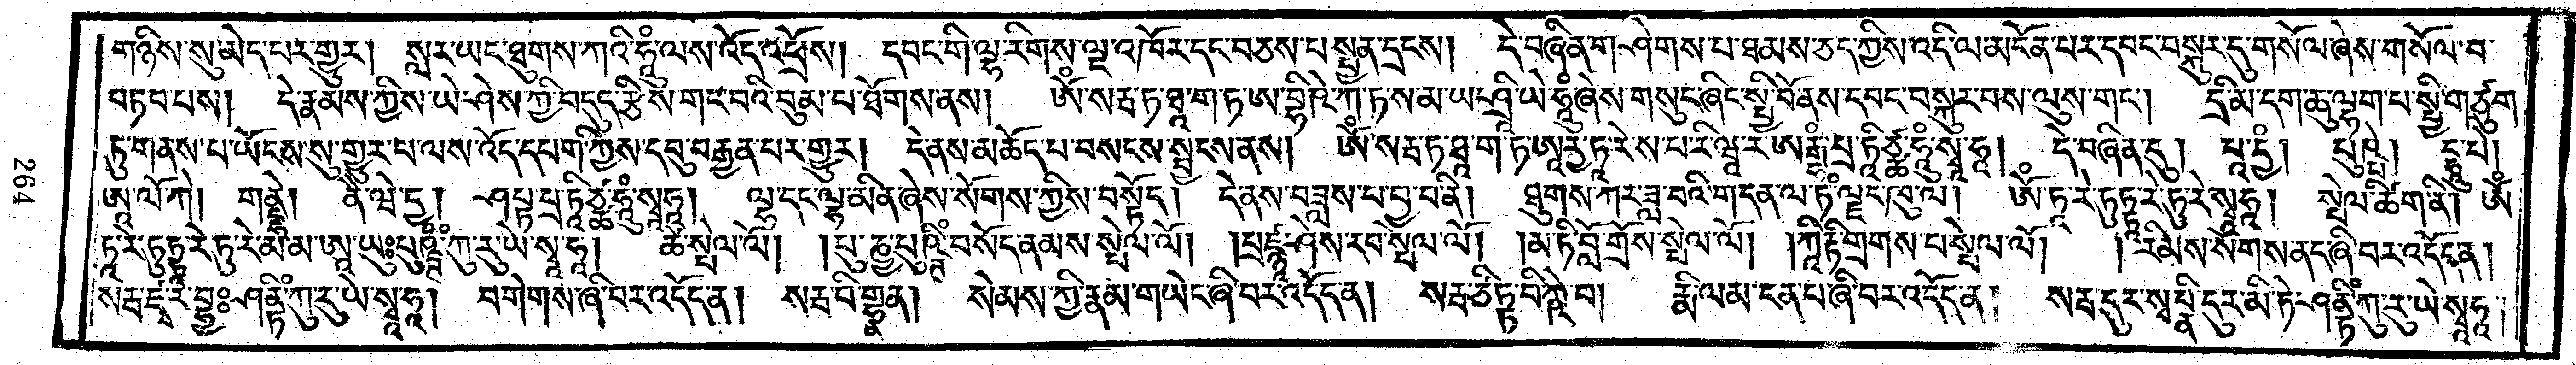གཉིས་སུ་མེད་པར་གྱུར། སླར་ཡང་ཐུགས་ཀའི་ཧཱུཾ་ལས་འོད་འཕྲོས། དབང་གི་ལྷ་རིགས་ལྔ་འཁོར་དང་བཅས་པ་སྤྱན་དྲངས། དེ་བཞིན་གཤེགས་པ་ཐམས་ཅད་ཀྱིས་འདི་ལ་མངོན་པར་དབང་བསྐུར་དུ་གསོལ་ཞེས་གསོལ་བ་
བཏབ་པས། དེ་རྣམས་ཀྱིས་ཡེ་ཤེས་ཀྱི་བདུད་རྩིས་གང་བའི་བུམ་པ་ཐོགས་ནས། ཨོཾ་སརྦ་ཏ་ཐཱ་ག་ཏ་ཨ་བྷིཥེ་ཀ་ཏ་ས་མ་ཡ་ཤྲཱི་ཡེ་ཡེ་ཧཱུཾ་ཞེས་གསུངས་ཞིང་སྤྱི་བོ་ནས་དབང་བསྐུར་བས་ལུས་གང་། དྲི་མ་དག་ཆུ་ལྷག་པ་སྤྱི་གཙུག་
ཏུ་གནས་པ་ཡོངས་སུ་གྱུར་པ་ལས་འོད་དཔག་ཀྱིས་དབུ་བརྒྱན་པར་གྱུར། དེ་ནས་མཆོད་པ་བསངས་སྦྱངས་ནས། ཨོཾ་སརྦ་ཏ་ཐཱ་ག་ཏ་ཨཱརྱ་ཏཱ་རེ་ས་པ་རི་ཝཱ་ར་ཨརྒྷཾ་པྲ་ཏཱིཙྪ་ཧཱུཾ་སྭཱ་ཧཱ། དེ་བཞིན་དུ། པཱ་དྱཾ། པུཥྤེ། དྷཱུ་པེ།
ཨཱ་ལོ་ཀེ། གནྡྷེ། ནཻ་ཝེ་དྱ། ཤཔྟ་པྲ་ཏཱིཙྪ་ཧཱུཾ་སྭཱཧཱ། ལྷ་དང་ལྷ་མིན་ཞེས་སོགས་ཀྱིས་བསྟོད། དེ་ནས་བཟླས་པ་བྱ་བ་ནི། ཐུགས་ཀར་ཟླ་བའི་གདན་ལ་ཏཾ་ལྗང་ཁུ་ལ། ཨོཾ་ཏཱ་རེ་ཏུཏྟཱ་རེ་ཏུ་རེ་སྭཱཧཱ། སྤེལ་ཚིག་ནི་།ཨོཾ་
ཏཱ་རེ་ཏུཏྟཱ་རེ་ཏུ་རེ་མ་མ་ཨཱ་ཡུཿ པུཥྚི་ཀུ་རུ་ཡེ་སྭཱ་ཧཱ། ཚེ་སྤེལ་ལོ། །པུ་ཎྱ་པུཥྚིཾ་བསོད་ནམས་སྤེལ་ལོ། །པྲཛྙའ་ཤེས་རབ་སྤེལ་ལོ། །མ་ཏི་བློ་གྲོས་སྤེལ་ལོ། །ཀཱི་རྟི་གྲགས་པ་སྤེལ་ལོ། །རིམས་སོགས་ནད་ཞི་བར་འདོད་ན།
སརྦ་ཛྭ་ར་བྷྱཿ ཤནྟིཾ་ཀུ་རུ་ཡེ་སྭཱ་ཧཱ། བགེགས་ཞི་བར་འདོད་ན། སརྦ་བི་གྷྣན། སེམས་ཀྱི་རྣམ་གཡེང་ཞི་བར་འདོད་ན། སརྦ་ཙིཏྟ་བི་ཀྵེ་བ། རྨི་ལམ་ངན་པ་ཞི་བར་འདོད་ན། སརྦ་དུར་སྭཔནི་དུར་མི་ཏེ་ཤནྟིཾ་ཀུ་རུ་ཡེ་སྭཱཧཱ།